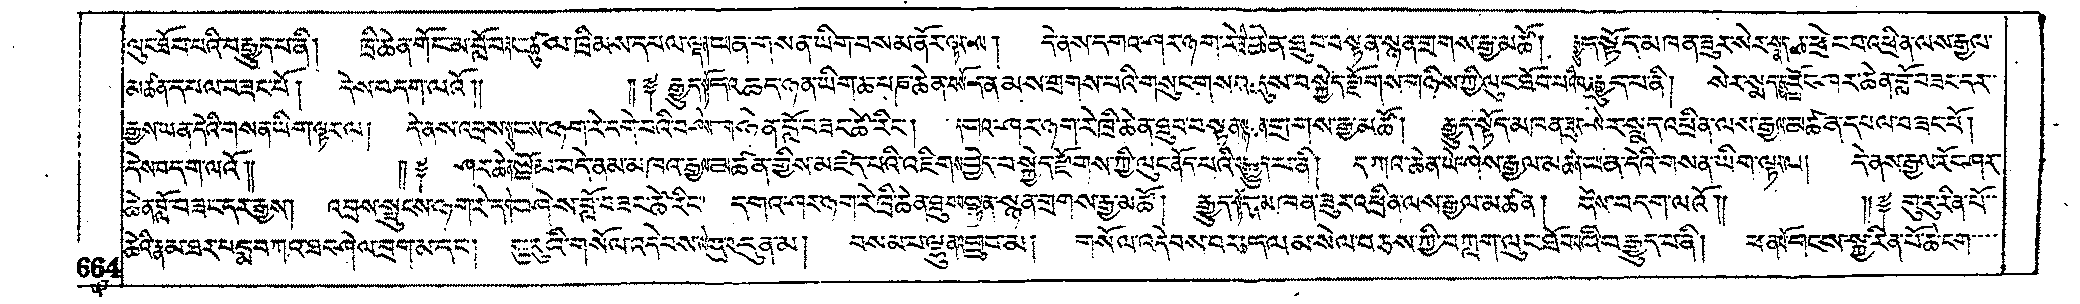ལུང་ཐོབ་པའི་བརྒྱུད་པ་ནི། ཁྲི་ཆེན་གོང་མ་བློ་བཟང་ཚུལ་ཁྲིམས་དཔལ་ལྡན་ཡན་གསན་ཡིག་བསམ་ནོར་ལྟར་ལ། དེ་ནས་དགའ་ཤར་ཉག་རེ་ཁྲི་ཆེན་ཐུབ་བསྟན་སྙན་གྲགས་རྒྱ་མཚོ། རྒྱུད་སྟོད་མཁན་ཟུར་སེར་སྨད་ཆ་ཕྲེང་བ་འཕྲིན་ལས་རྒྱལ་
མཚན་དཔལ་བཟང་པོ། དེས་བདག་ལའོ།། །།འ་རྒྱུད་སྟོད་འཆད་ཉན་ཡིག་ཆ་པཎ་ཆེན་བསོད་ནམས་གྲགས་པའི་གསུང་གསང་འདུས་བསྐྱེད་རྫོགས་གཉིས་ཀྱི་ལུང་ཐོབ་པའི་བརྒྱུད་པ་ནི། སེར་སྨད་རྒྱལ་རོང་ཤར་ཆེན་བློ་བཟང་དར་
རྒྱས་ཡན་དེའི་གསན་ཡིག་ལྟར་ལ། དེ་ནས་འབྲས་སྤུངས་ཉག་རེ་དགེ་བའི་བཤེས་གཉེན་བློ་བཟང་ཚེ་རིང་། དགའ་ཤར་ཉག་རེ་ཁྲི་ཆེན་ཐུབ་བསྟན་སྙན་གྲགས་རྒྱ་མཚོ། རྒྱུད་སྟོད་མཁན་ཟུར་སེར་སྨད་འཕྲིན་ལས་རྒྱལ་མཚན་དཔལ་བཟང་པོ།
དེས་བདག་ལའོ།། །།འ་ཤར་ཆེན་སྒོམ་བདེ་ནམ་མཁའ་རྒྱལ་མཚན་གྱིས་མཛད་པའི་འཇིགས་བྱེད་བསྐྱེད་རྫོགས་ཀྱི་ལུང་ནོད་པའི་བརྒྱུད་པ་ནི། དཀའ་ཆེན་ཡེ་ཤེས་རྒྱལ་མཚན་ཡན་དེའི་གསན་ཡིག་ལྟར་ལ། དེ་ནས་རྒྱལ་རོང་ཤར་
ཆེན་བློ་བཟང་དར་རྒྱས། འབྲས་སྤུངས་ཉག་རེ་དགེ་བཤེས་བློ་བཟང་ཚེ་རིང་། དགའ་ཤར་ཉག་རེ་ཁྲི་ཆེན་ཐུབ་བསྟན་སྙན་གྲགས་རྒྱ་མཚོ། རྒྱུད་སྟོད་མཁན་ཟུར་འཕྲིན་ལས་རྒྱལ་མཚན། དེས་བདག་ལའོ།། །།འ་གུ་རུ་རིན་པོ་
ཆེའི་རྣམ་ཐར་པདམ་བཀའ་ཐང་ཤེལ་བྲག་མ་དང་། གུ་རུའི་གསོལ་འདེབས་ལེའུ་བདུན་མ། བསམ་པ་ལྷུན་འགྲུབ་མ། གསོལ་འདེབས་བར་ཆད་ལམ་སེལ་བཅས་ཀྱི་བཀླག་ལུང་ཐོབ་པའི་བརྒྱུད་པ་ནི། ཕན་པོ་གངས་སྐྱ་རིན་པོ་ཆེ་ངག་